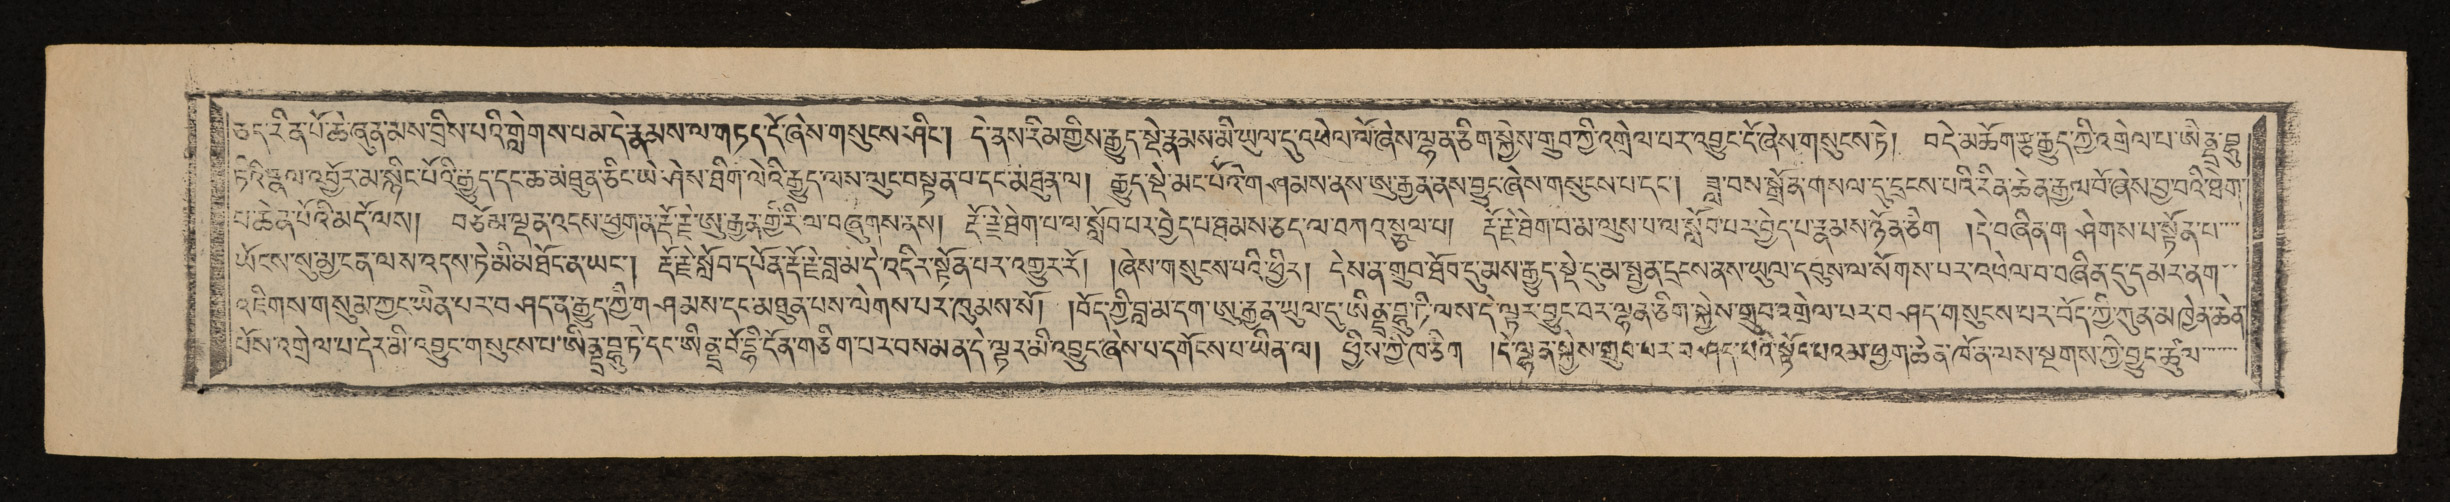ཅད་རིན་པོ་ཆེ་ཞུན་མས་བྲིས་པའི་གླེགས་བམ་དེ་རྣམས་ལ་གཏད་དོ་ཞེས་གསུངས་ཤིང་། དེ་ནས་རིམ་གྱིས་རྒྱུད་སྡེ་རྣམས་མི་ཡུལ་དུ་འཕེལ་ལོ་ཞེས་ལྷན་ཅིག་སྐྱེས་གྲུབ་ཀྱི་འགྲེལ་བར་འབྱུང་དེ་ཞེས་གསུངས་ཏེ། བདེ་མཆོག་རྩ་རྒྱུད་ཀྱི་འགྲེལ་བ་ཨིནྡྲ་བྷུ་
ཏིའི་རྣལ་འབྱོར་མ་སྙིང་པོའི་རྒྱུད་དང་ཆ་མཐུན་ཅིང་ཡེ་ཤེས་ཐིག་ལེའི་རྒྱུད་ལས་ལུང་བསྟན་པ་དང་མཐུན་ལ། རྒྱུད་སྡེ་མང་བོའི་གཤམས་ནས་ཨུ་རྒྱན་ནས་བྱུང་ཞེས་གསུངས་པ་དང་། ཟླ་བས་སྤྲོན་གསལ་དུ་དྲངས་པའི་རིན་ཆེན་རྒྱལ་པོ་ཞེས་བྱ་བའི་ཐེག་
པ་ཆེན་པོའི་མདོ་ལས། བཅོམ་ལྡན་འདས་ཕྱག་རྡོ་རྗེ་ཨུ་རྒྱན་གྱི་རིལ་བཞུགས་ནས། རྡོ་རྗེ་ཐེག་པ་ལ་སློབ་པར་བྱེད་པ་ཐམས་ཅད་ལ་བཀའ་སྩལ་བ། རྡོ་རྗེ་ཐེག་པ་མ་ལུས་པ་ལ་སློབ་པར་བྱེད་པ་རྣམས་ཉོན་ཅིག །དེ་བཞིན་གཤེགས་པ་སྟོན་པ་
ཡོངས་སུ་མྱ་ངན་ལས་འདས་ཏེ་མི་མཐོང་ན་ཡང་། རྡོ་རྗེ་སློབ་དཔོན་རྡོ་རྗེ་བླ་མ་དེ་འདིར་སྟོན་པར་འགྱུར་རོ། །ཞེས་གསུངས་པའི་ཕྱིར། དེས་ན་གྲུབ་ཐོབ་དུ་མས་རྒྱུད་སྡེ་དུ་མ་སྤྱན་དྲངས་ནས་ཡུལ་དབུས་ལ་སོགས་པར་འཕེལ་བ་བཞིན་དུ་དམར་ནག་
འཇིགས་གསུམ་ཀྱང་ཡིན་པར་བཤད་ན་རྒྱུད་ཀྱི་གཤམས་དང་མཐུན་པས་ལེགས་པར་ཁུམས་སོ། །བོད་ཀྱི་བླ་མ་དག་ཨུ་རྒྱན་ཡུལ་དུ་ཨིནྡྲ་བྷུ་ཏི་ལས་དེ་ལྟར་བྱུང་བར་ལྷན་ཅིག་སྐྱེས་གྲུབ་འགྲེལ་བར་བཤད་གསུངས་པར་བོད་ཀྱི་ཀུན་མཁྱེན་ཆེན་
བོས་འགྲེལ་བ་དེར་མི་འགྱུར?་གསུངས་པ་ཨིནྡྲ་བྷུ་ཏི་དང་ཨིནྡྲ་བོ་དྷི་དོན་གཅིག་པར་བསམ་ན་དེ་ལྟར་མི་འབྱུང་ཞེས་པ་དགོངས་པ་ཡིན་ལ། ཕྱིས་ཀྱི་ཁ་ཅིག །དེ་ལྷན་སྐྱེས་གྲུབ་པར་བཤད་པའི་སྟོང་པའམ་ཕྱག་ཆེན་ཁོ་ན་ལས་སྔགས་ཀྱི་བྱུང་ཚུལ་